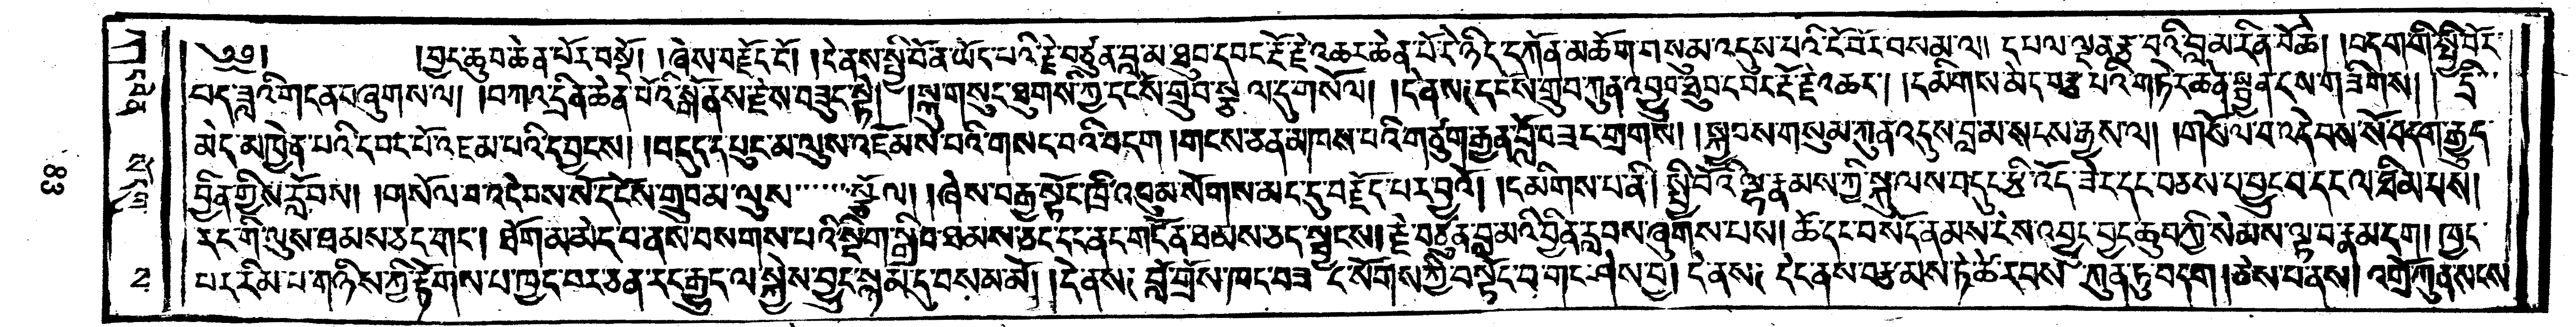༄༅། །བྱང་ཆུབ་ཆེན་པོར་བསྔོ། །ཞེས་བརྗོད་ངོ། །དེ་ནས་སྤྱི་བོ་ན་ཡོད་པའི་རྗེ་བཙུན་བླ་མ་ཐུབ་དབང་རྡོ་རྗེ་འཆར་ཆེན་པོ་དེ་ཉིད་དཀོན་མཆོག་གསུམ་འདུས་པའི་ངོ་བོར་བསམ་ལ། དཔལ་ལྡན་རྩ་བའི་བླ་མ་རིན་པོ་ཆེ། །བདག་གི་སྤྱི་བོར་
པད་ཟླའི་གདན་བཞུགས་ལ། །བཀའ་དྲིན་ཆེན་པོའི་སྒོ་ནས་རྗེས་བཟུང་སྟེ། །སྐུ་གསུང་ཐུགས་ཀྱི་དངོས་གྲུབ་སྩལ་དུ་གསོལ། །དེ་ནས༑ དངོས་གྲུབ་ཀུན་འབྱུབ་ཐུབ་དབང་རྡོ་རྗེ་འཆང་། །དམིགས་མེད་བརྩ་པའི་གཏེར་ཆེན་སྤྱན་ངས་གཟིགས། །དྲི་
མེད་མཁྱེན་པའི་དབང་པོ་འཇམ་པའི་དབྱངས། །བདུད་དཔུང་མ་ལུས་འཇོམས་བའི་གསངས་བའི་བདག །གངས་ཅན་མཁས་པའི་གཙུག་རྒྱན་བློ་བཟང་གྲགས། །སྐྱབས་གསུམ་ཀུན་འདུས་བླ་སངས་རྒྱས་ལ། །གསོལ་བ་འདེབས་སོ་བདག་རྒྱུད་
བྱིན་གྱིས་རློབས། །གསོལ་བ་འདེབས་སོ་དངོས་གྲུབ་མ་ལུས་སྩོལ། །ཞེས་བརྒྱ་སྟོང་ཁྲི་འབུམ་སོགས་མང་དུ་བརྗོད་པར་བྱའོ། །དམིགས་པ་ནི། སྤྱི་བོའི་ལྷ་རྣམས་ཀྱི་སྐུ་ལས་བདུང་རྩི་འོད་ཟེར་དང་བཅས་པ་བྱུང་བ་དང་ལ་ཐིམ་པས།
རང་གི་ལུས་ཐམས་ཅད་གང་། ཐོག་མ་མེད་པ་ནས་བསགས་པའི་སྡིག་སྒྲིབ་ཐམས་ཅད་དང་ནང་གདོན་ཐམས་ཅད་སྦྱངས། རྗེ་བཙུན་བླ་མའི་བྱིན་རླབས་ཞུགས་པས། ཚེ་དང་བསོད་ནམས་ངེས་འབྱུང་བྱང་ཆུབ་ཀྱི་སེམས་ལྟ་བ་རྣམ་དག། ཁྱད་
པར་རིམ་པ་གཉིས་ཀྱི་རྟོགས་པ་ཁྱད་པར་ཅན་རང་རྒྱུད་ལ་སྐྱེས་བྱུང་སྙམ་དུ་བསམ་མོ། །དེ་ནས༑ བློ་གྲོས་ཁང་བཟང་སོགས་ཀྱི་བསྟོང་བ་གང་ཤེས་བྱ། དེ་ནས༑ དེང་ནས་བརྩམས་ཏེ་ཚེ་རབས་ཀུན་ཏུ་བདག །ཅེས་པ་ནས། འགྲོ་ཀུན་སངས་